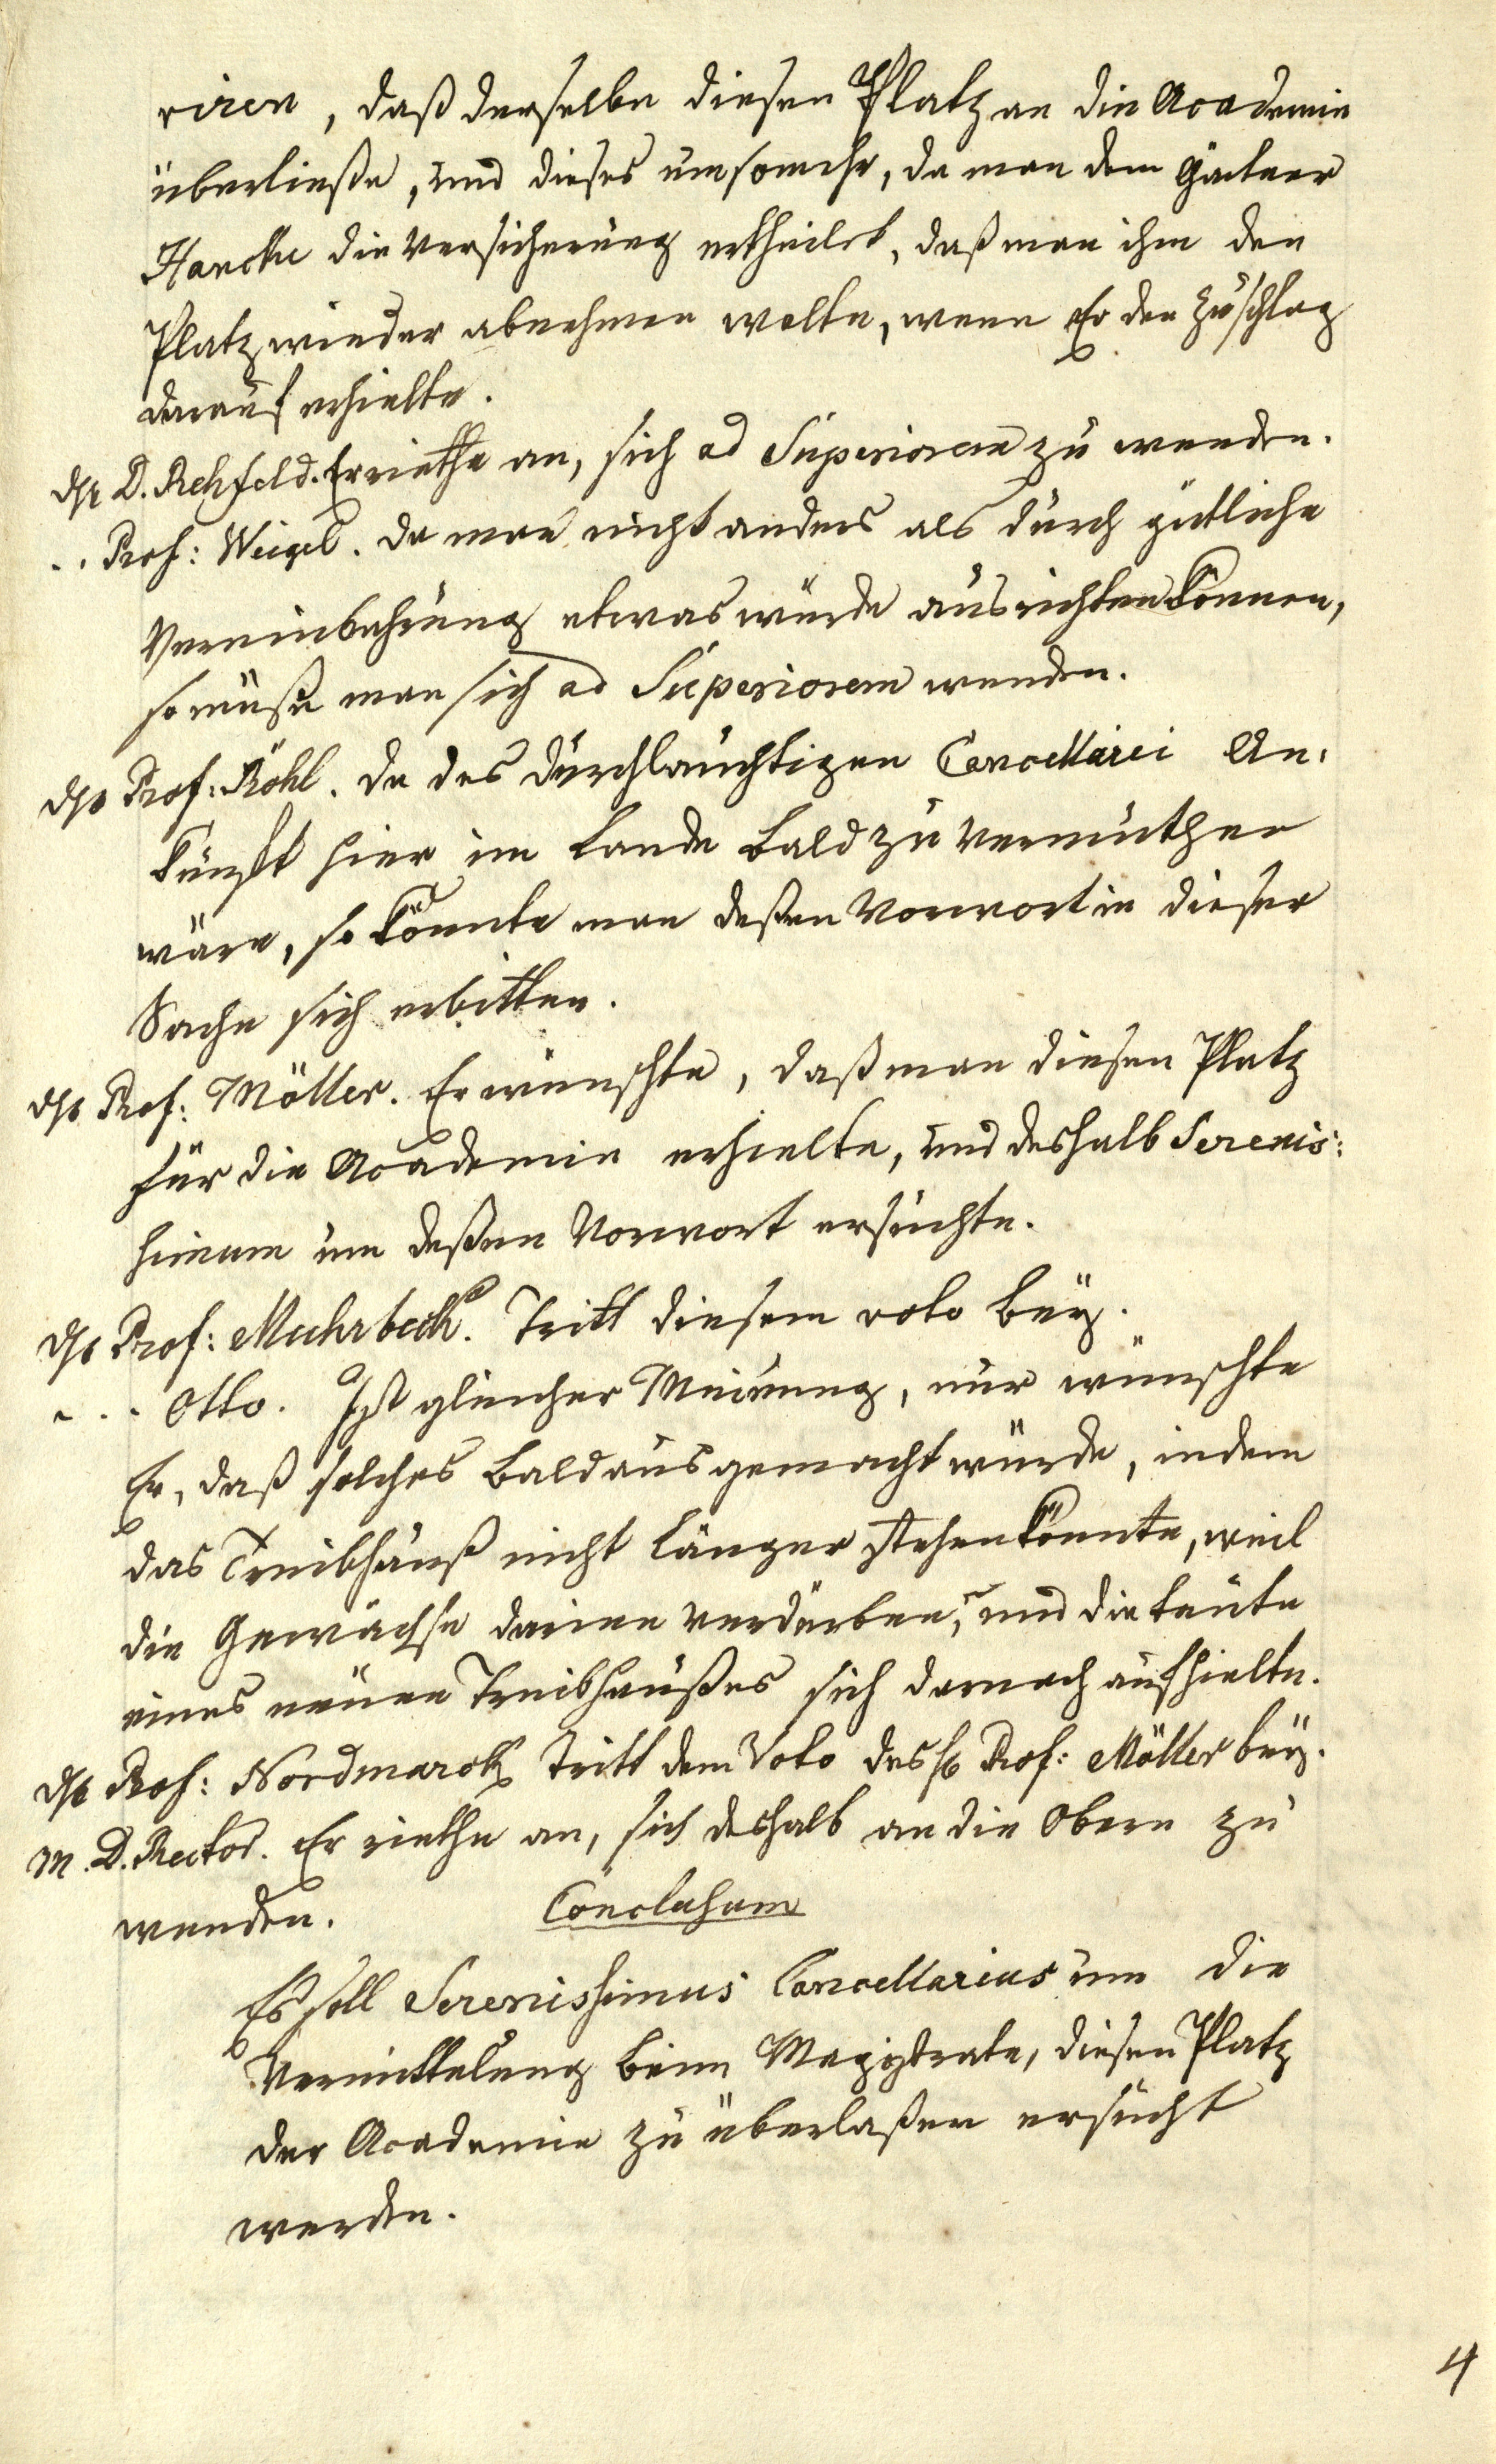viren, daß derselbe diesen Platz an die Academie
überließe, und dieses um somehr, da man dem Gärtner
Hancke die Versicherung ertheilet, daß man ihm den
Platz wieder abnehmen wolte, wenn Er den Zuschlag
darauf erhielte.
dh. D. Rehfeld. Er riethe an, sich ad Superiorem zu wenden.
Prof. Weigel. Da man nicht anders als durch gütliche
Vereinbahrung etwas würde ausrichten können,
so müße man sich ad Superiorem wenden.
dh Prof. Röhl. Da des durchlauchtigen Cancellarii An¬
kunft hier im Lande bald zu vermuthen
wäre, so könnte man deßen Vorwort in dieser
Sache sich erbitten.
dh Prof. Möller. Er wünschte, daß man diesen Platz
für die Academie erhielte, und deshalb Serenis¬
simum um deßen Vorwort ersuchte.
dh Prof. Muhrbeck. Tritt diesem voto beÿ.
Otto. Ist gleicher Meinung, nur wünschte
Er, daß solches bald aus gemacht würde, indem
das Treibhauß nicht länger stehen könnte, weil
die Gewächse darinn verdärben, und die Baute
eines neuen Treibhaußes sich darnach aufhielte.
dh Prof. Nordmarck tritt dem Voto des h. Prof. Möller beÿ.
M. D. Rector. Er riethe an, sich deshalb an die Obern zu
wenden.
Conclusum
Es soll Serenissimus Cancellarius um die
Vermittelung beim Magistrate, diesen Platz
der Academie zu überlaßen ersucht
werden.